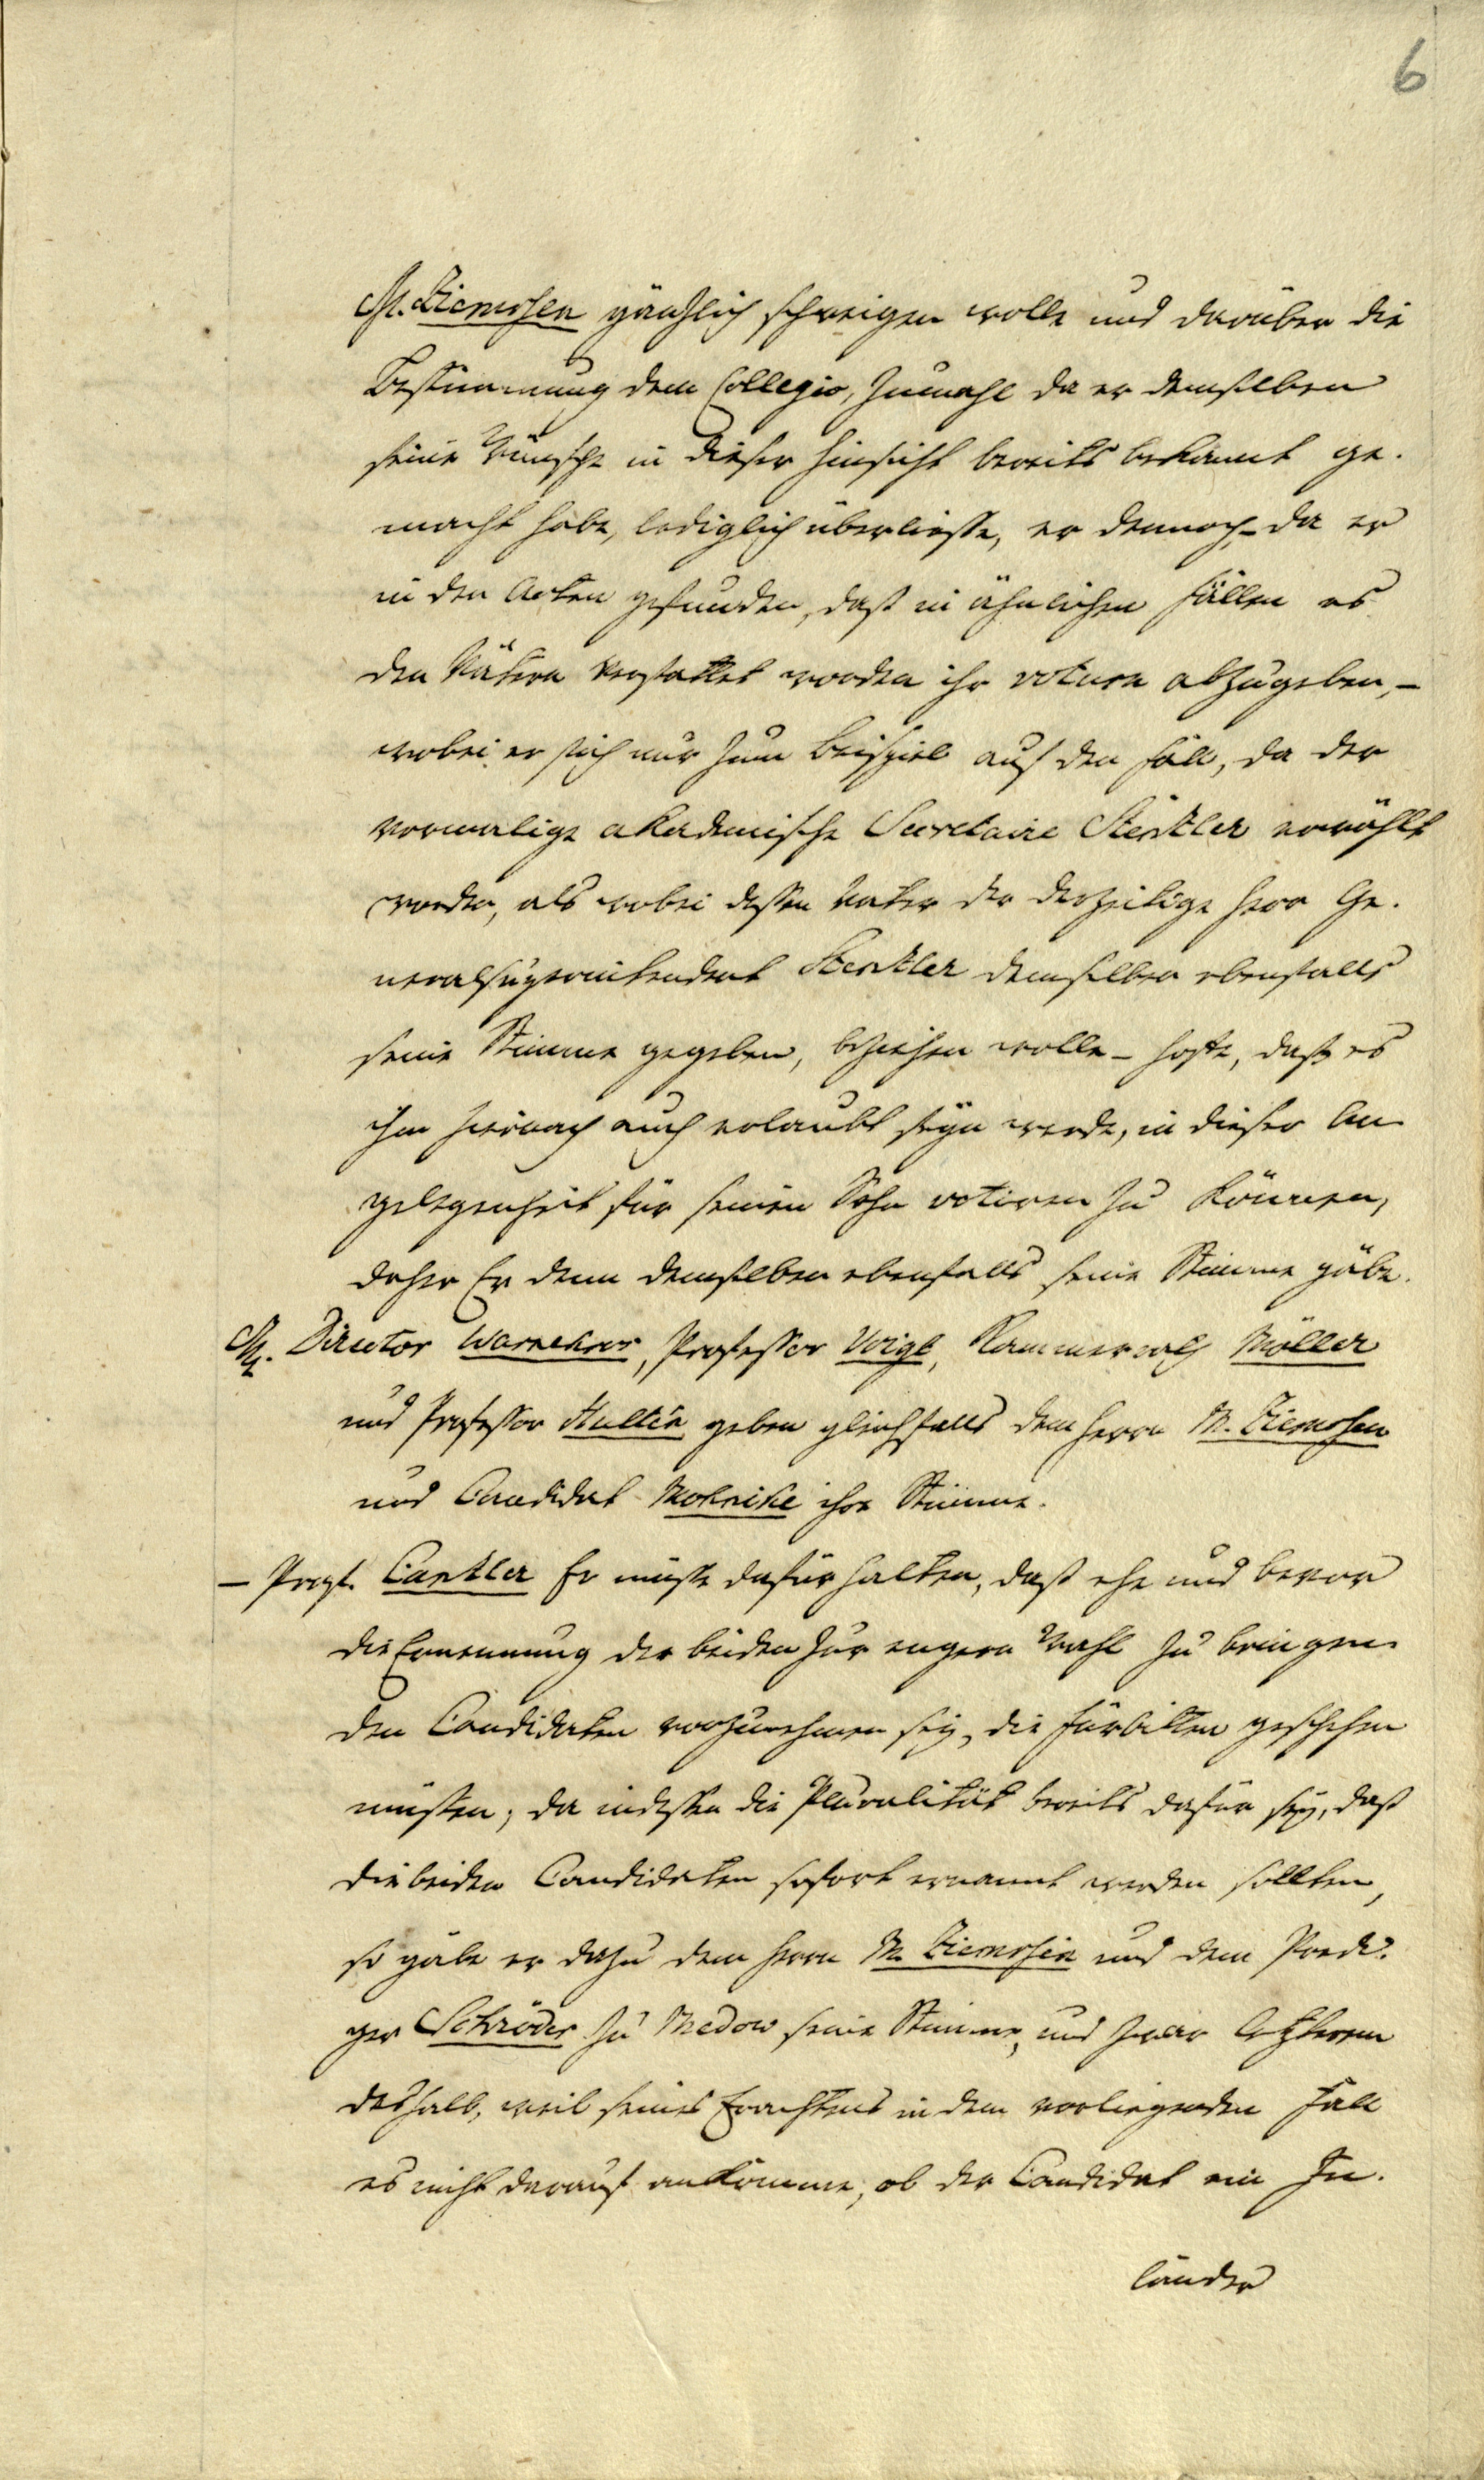M. Ziemssen gänzlich schweigen wolle und darüber die
Bestimmung dem Collegio, zumahl da er demselben
seine Wünsche in dieser hinsicht bereits bekannt ge¬
macht habe, lediglich überliesse, er dennoch, da er
in den Acten gefunden, daß in ähnlichen Fällen es
den Vätern verstattet worden ihr votum abzugeben,
wobei er sich nur zum Beispiel auf den Fall, da der
vormalige akademische Secretaire Stenzler erwählt
worden, als wobei dessen Vater der derzeitige herr Ge¬
neralsuperintendent Stenzler demselben ebenfalls
seine Stimme gegeben, beziehen wolle. hofte daß es
ihm hiernach auch erlaubt seÿn werde, in dieser An¬
gelegenheit für seinen Sohn votiren zu können,
daher Er denn demselben ebenfalls seine Stimme gäbe.
dh. Director Warnekros, Professor Voigt, Kammerrath Möller
und Professor Hultèn geben gleichfalls dem herrn M. Ziemssen
und Candidat Mohnike ihre Stimme.
Prof. Canzler Er müsse dafür halten, daß ehe und bevor
die Ernennung der beiden zur engern Wahl zu bringen
den Candidaten vorzunehmen seÿ, die Fürbitten geschehen
müsten, da indessen die Pluralität bereits dafür seÿ, daß
die beiden Candidaten sofort ernannt werden sollten,
so gäbe er dazu dem herrn M. Ziemssen und dem Predi¬
ger Schröder zu Medow seine Stimme, und zwar letzterm
deshalb, weil seines Erachtens in dem vorliegenden Fall
es nicht darauf ankomme, ob der Candidat ein In¬
länder